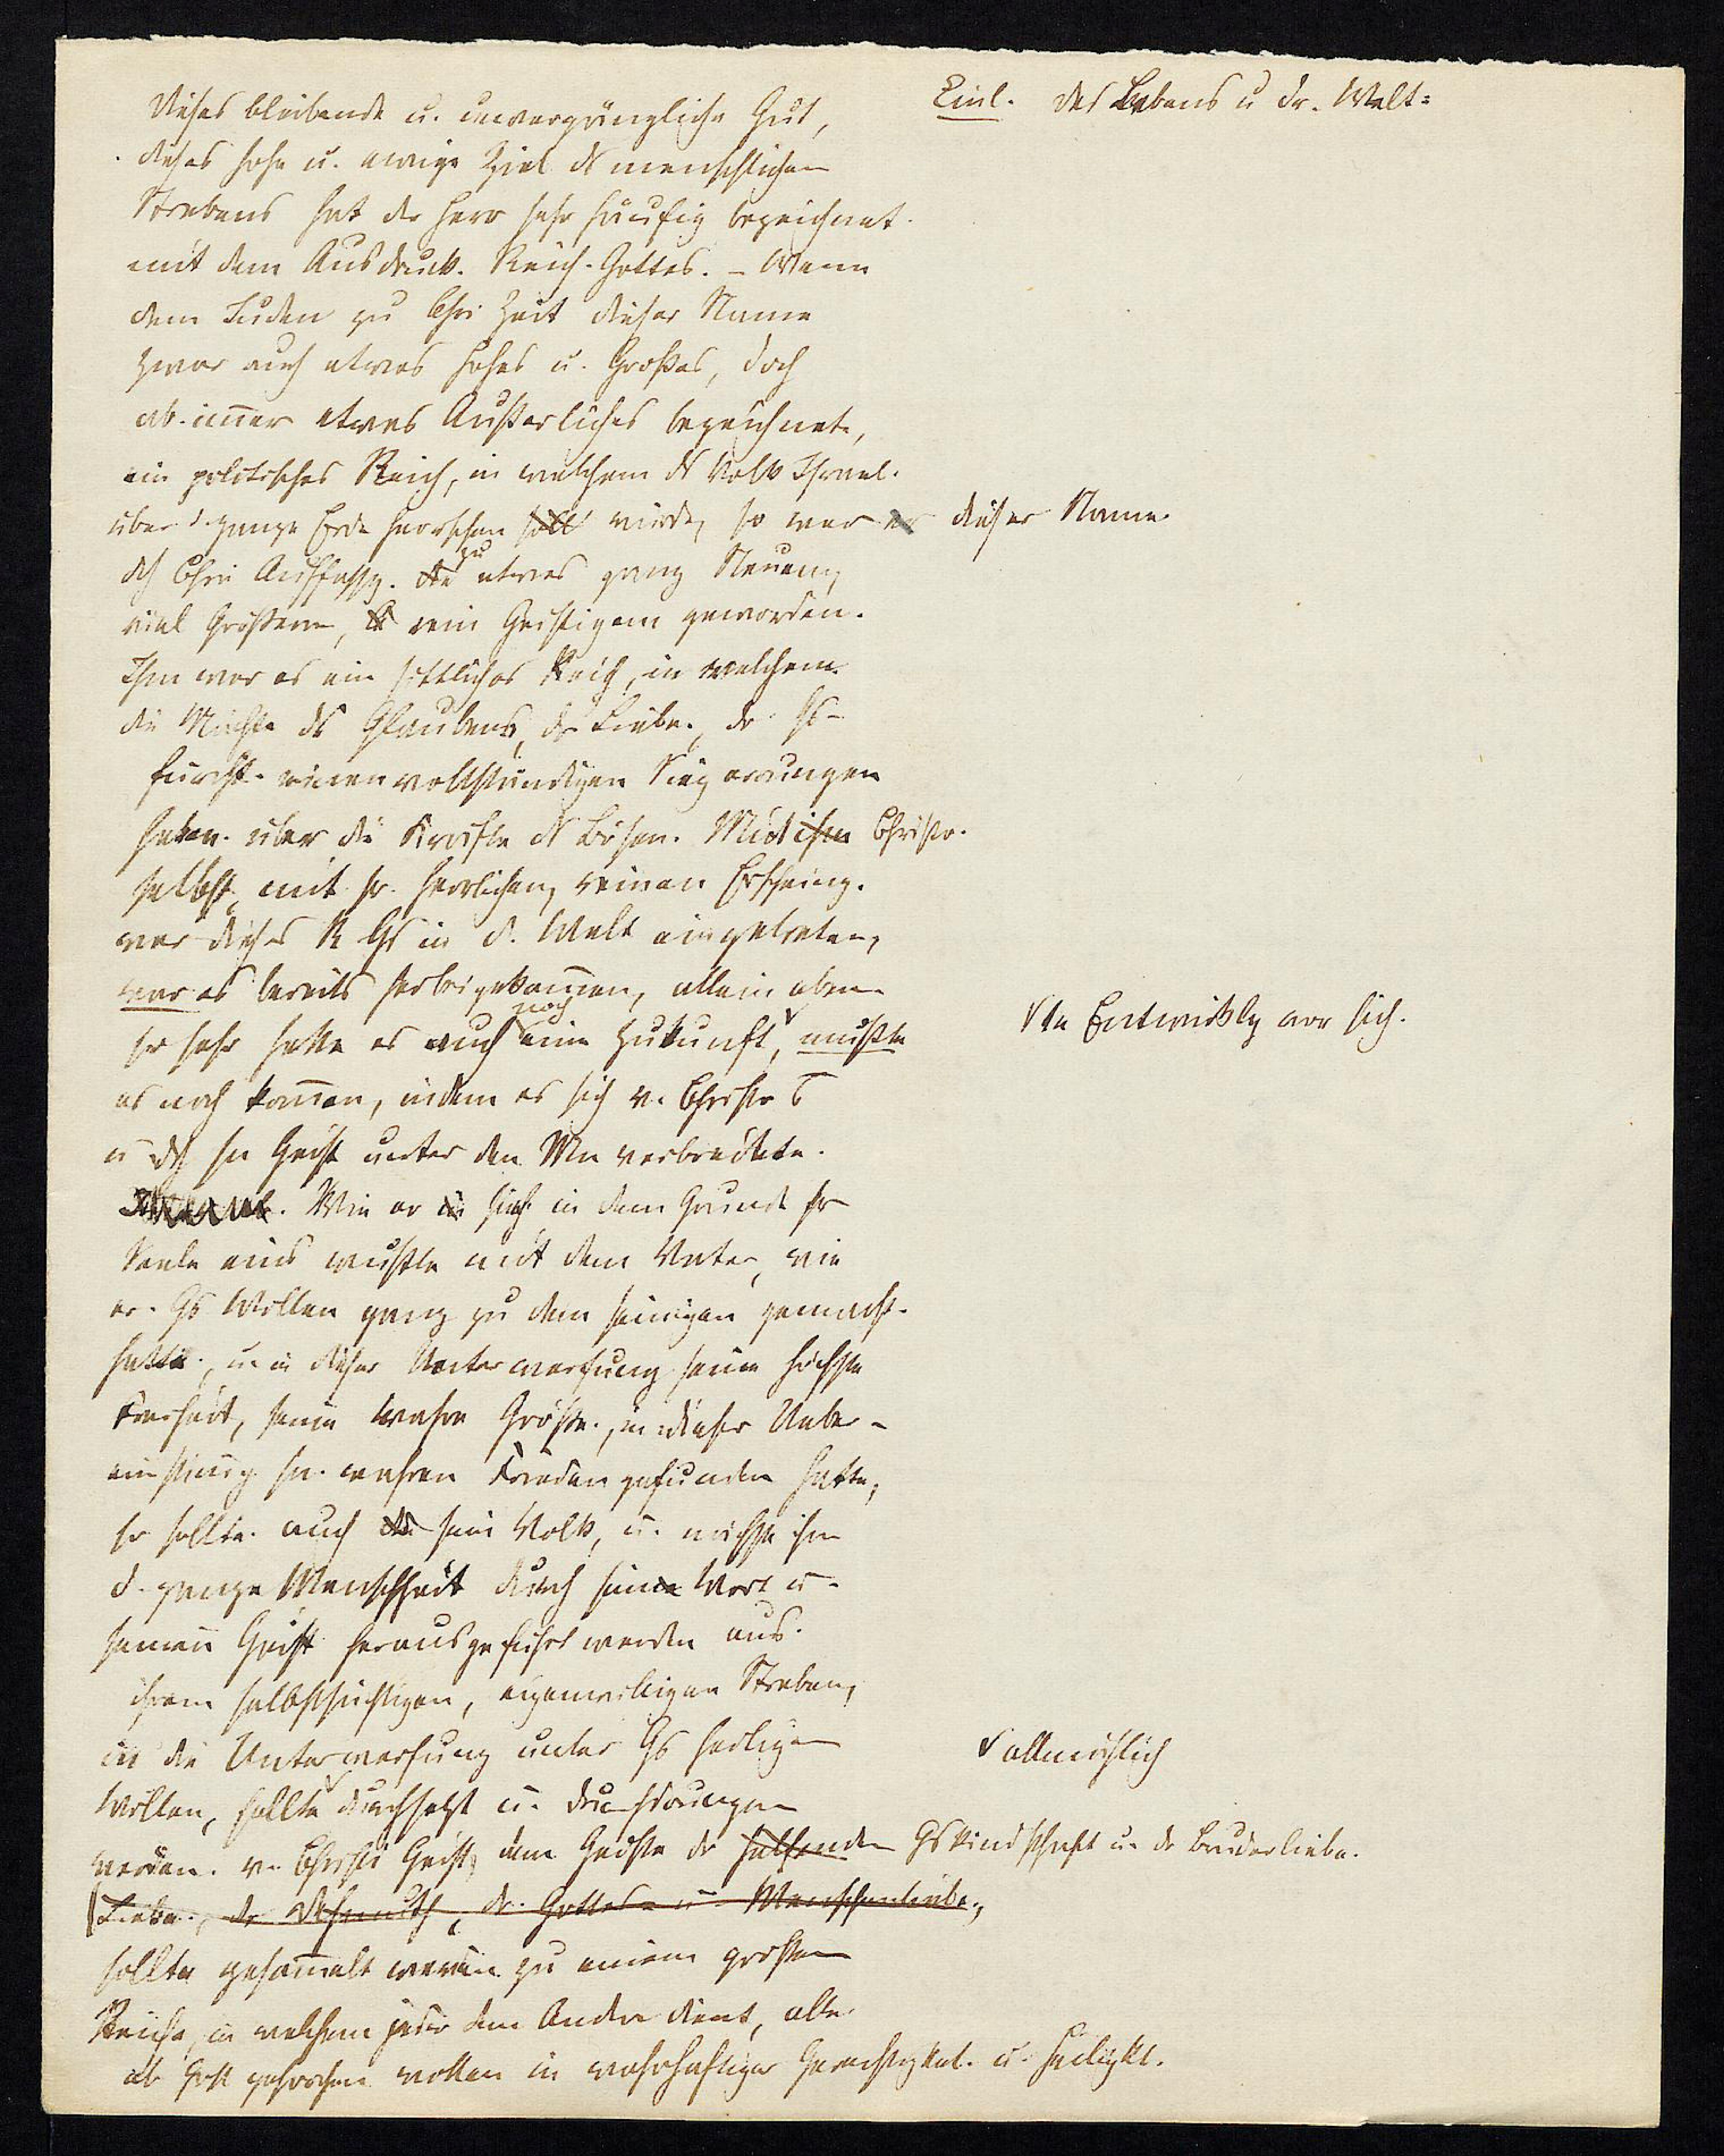Einl. des Lebens u dr. Welt:
Dieses bleibende u. unvergängliche Gut,
dieses hohe u. ewige Ziel ds menschlichen
Strebens hat der Herr sehr fähig bezeuchnet
mit dem Ausdruck. Reich Gottes. _ Wenn
den Juden zu Chri Zeit dieser Name
zwar auch etwas Hohes u. Großes, doch
ab. imer etwas Äußerliches bezeichnete,
ein politisches Reich, in welchem ds Volk Israel.
über d. ganze Erde herrschen soll würde, so war nur dieser Name
zu
dch Chri Auffassg. Da etwas ganz Neuem,
viel Größerem, A rein Geistigem geworden.
Ihm war es ein sittliches Reich, in welchem
die Mächte ds Glaubens der Liebe, dr Gs¬
furcht einen vollständigen Sieg errungen
haben über die Kräfte ds Bösen. Mit ihm Christo
selbst, mit sr. herrlichen, reinen Erscheing.
war dieses R. Gs. in d. Welt eingetreten,
war es bereits herbeigekomen, allein eben
noch
V 1n Entwicklg vor sich.
so sehr hatte es auch eine Zukungt, mußte
es noch komen, indem es sich v. Christo s
u dch sn Geist unter den Mn verbreitete.
Imer ab. Wie er au tief in dem Grunde sr
Seele eins wußte mit dem Vater, wie
er Gs Willen ganz zu dem seinigen gemacht
hatte, u. in diese Unterwerfung seine höchste
Freiheit, seine wahre Größe, zu dieser Ueber¬
einstimung sn wahren Freuden gefunden hatte;
so sollte auch dm sein Vok, u nächste ihm
d. ganze Menschheit durch seine Wort u.
seinen Geist herausgeführt werden aus
ihrem selbstsüchtigen, eigenwilligen Streben,
V allmählich
in die Unterwerfung unter Gs heiligen
Willen, sollte durchsetzt u. durchdrungen
werden. v. Christi Geist, dem Geist dr. helfenden Gskindschaft u. dr. Bruderliebe.
[Liebe, dr. Dehmuth, der Gottes- und Menschenliebe,
sollte gesamelt werden zu einem großen
Reiche, in welchem jeder dem Andren dient, alte
alle Gott gehorchen wollten in wahrhaftiger Gerechtigkeit u. Seeligkt.